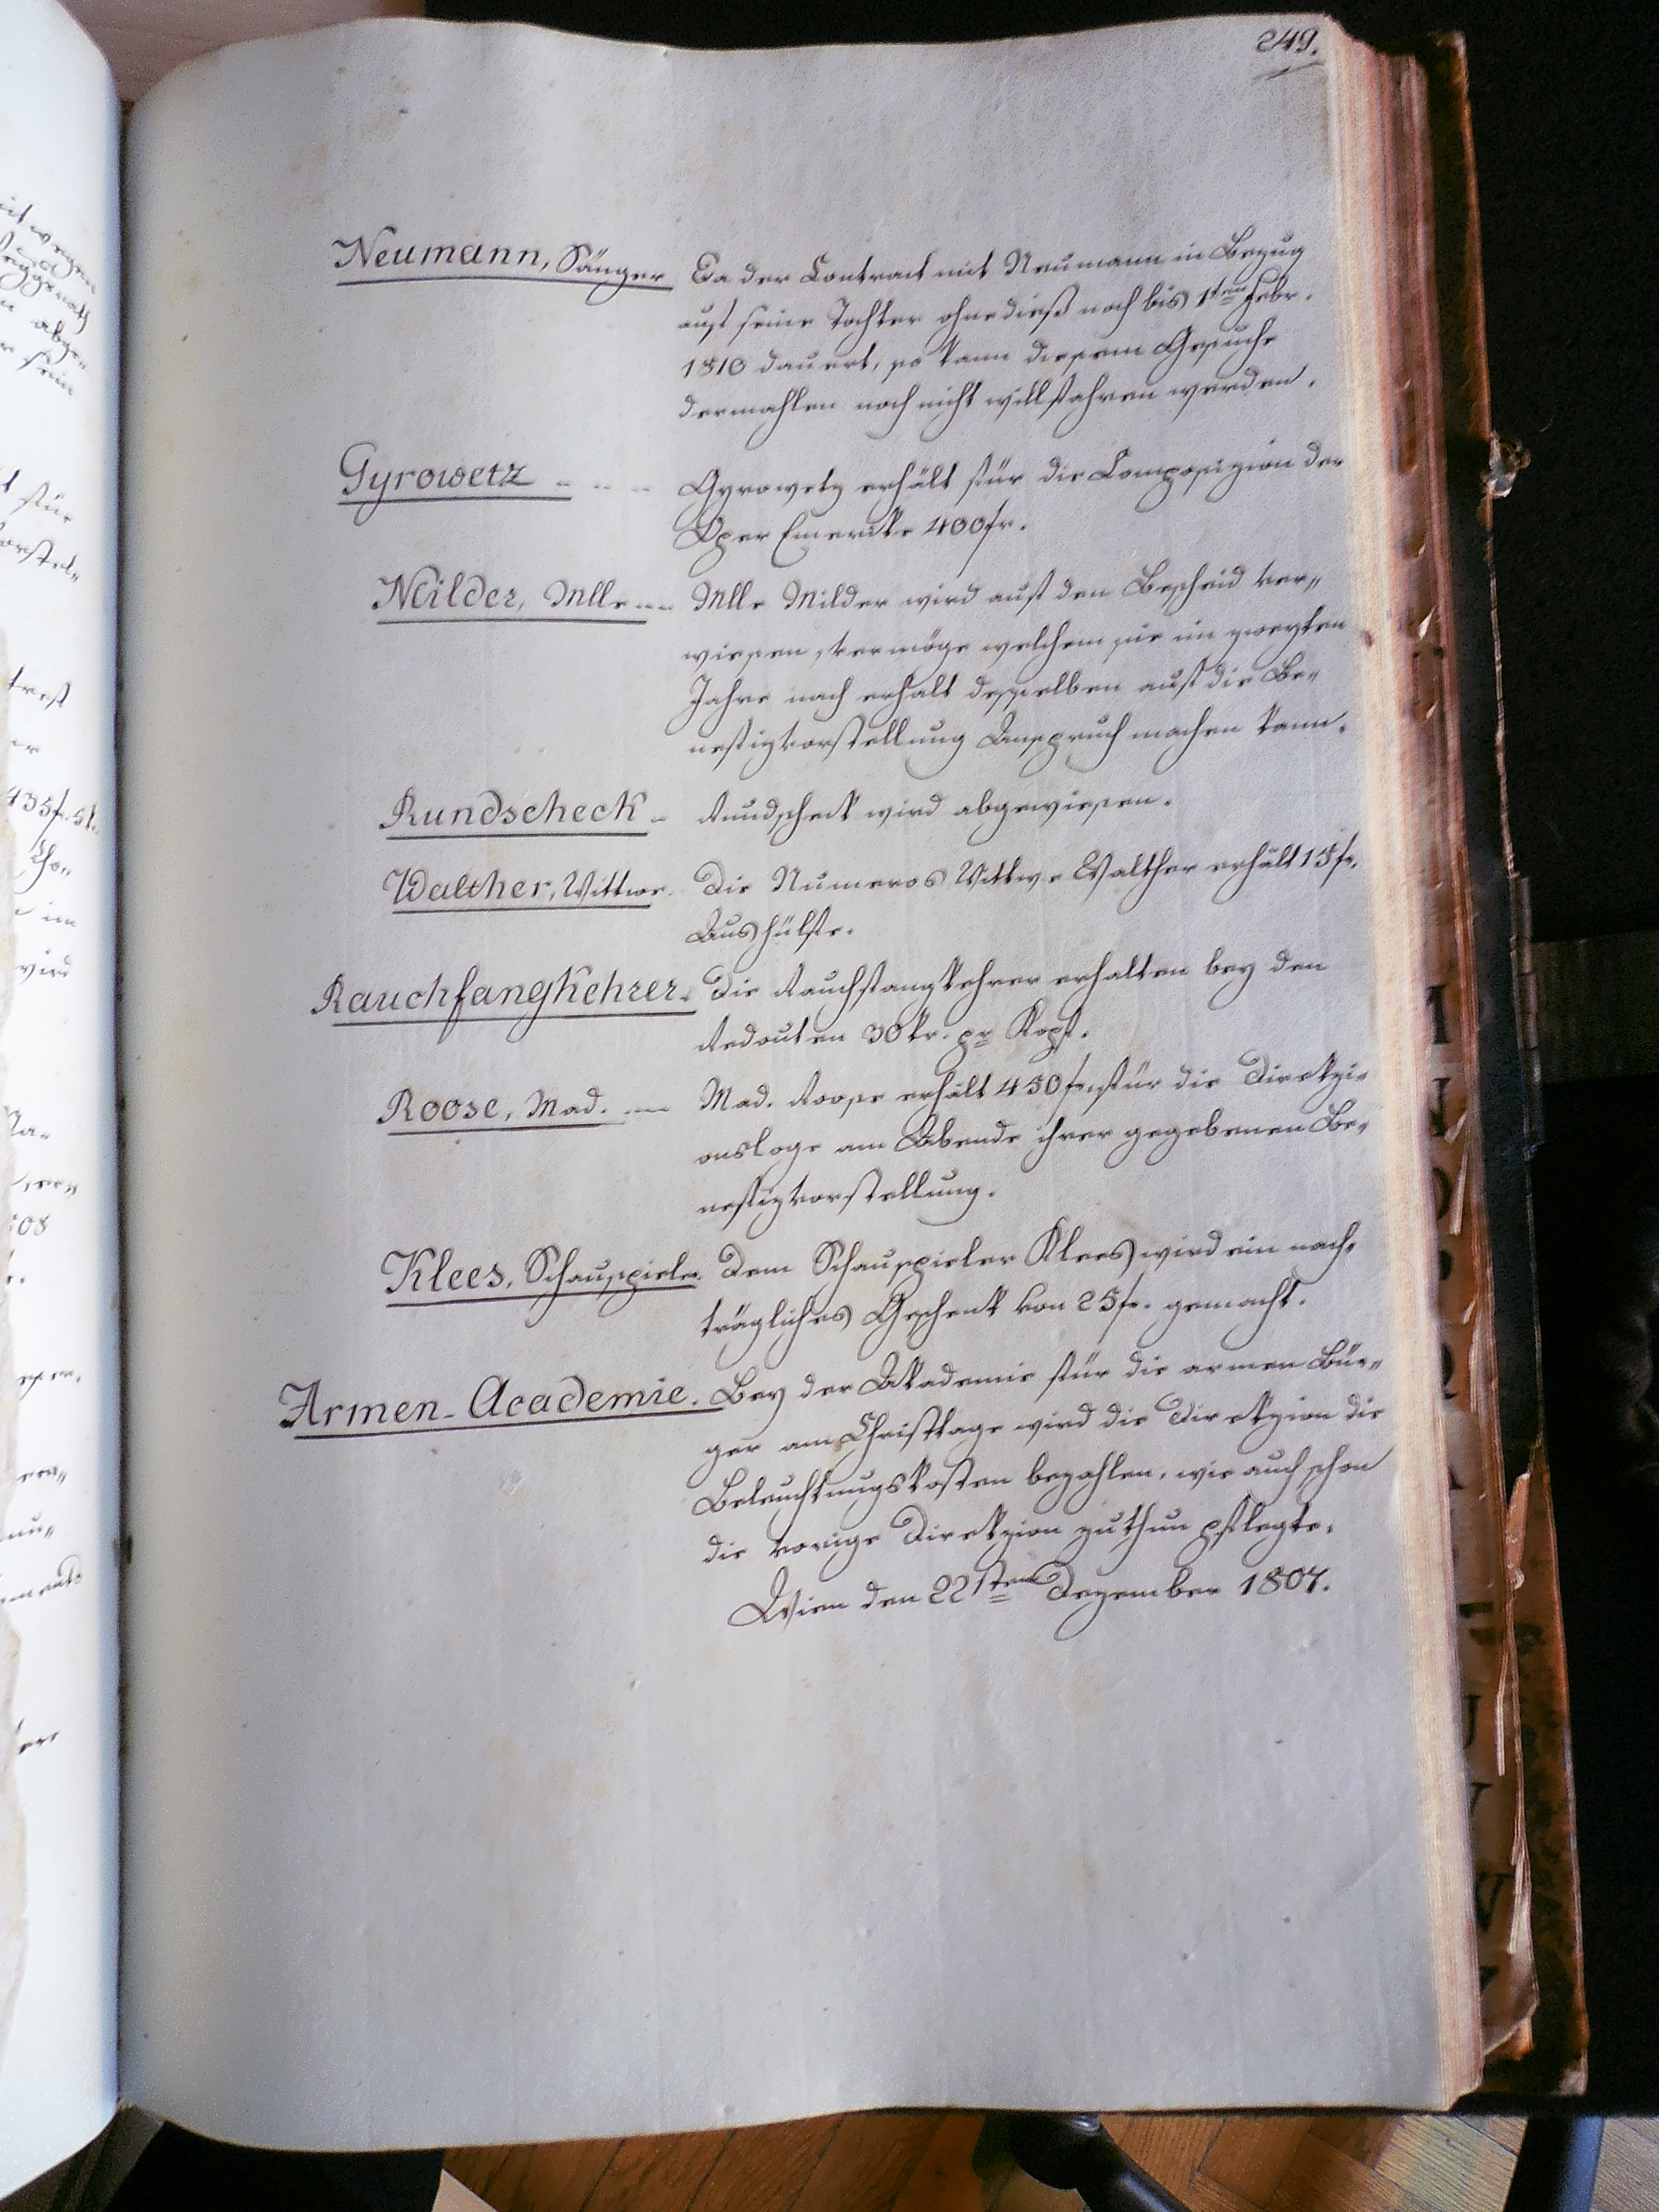249.
Neumann, Sänger Da der Contract mit Neumann in Bezug
auf seine Tochter ohnedieß noch bis 1ste͇n Febr.
1810 dauert, so kann diesem Gesuche
dermahlen noch nicht willfahren werden.
Gyrowetz .. .. .. Gyrowetz erhält für die Composizion der
Oper Emerike 400fr.
Milder, Mlle .. .. Mlle Milder wird auf den Bescheid ver¬
wiesen, vermöge welchem sie im zweyten
Jahre nach erhalt desselben auf die Be¬
nefizvorstellung Anspruch machen kann.
Rundscheck .. Rundscheck wird abgewiesen.
Walther, Wittwe Die Numeros Wittwe Walther erhält 15fr.
Aushülfe.
Rauchfangkehrer. Die Rauchfangkehrer erhalten bey den
Redouten 30kr. pr͇ Kopf.
Roose, Mad. .... Mad. Roose erhält 450fr. für die Direkzi¬
onsloge am Abende ihrer gegebenen Be¬
nefizvorstellung.
Klees, Schauspieler. Dem Schauspieler Klees wird ein nach¬
trägliches Gehalt von 25fr. gemacht.
Armen‗ Academie. Bey der Akademie für die armen Bür¬
ger am Christtage wird die Direkzion die
Beleuchtungskosten bezahlen, wie auch schon
die vorige Direkzion zuthun pflegte.
Wien den 22ste͇n Dezember 1807.